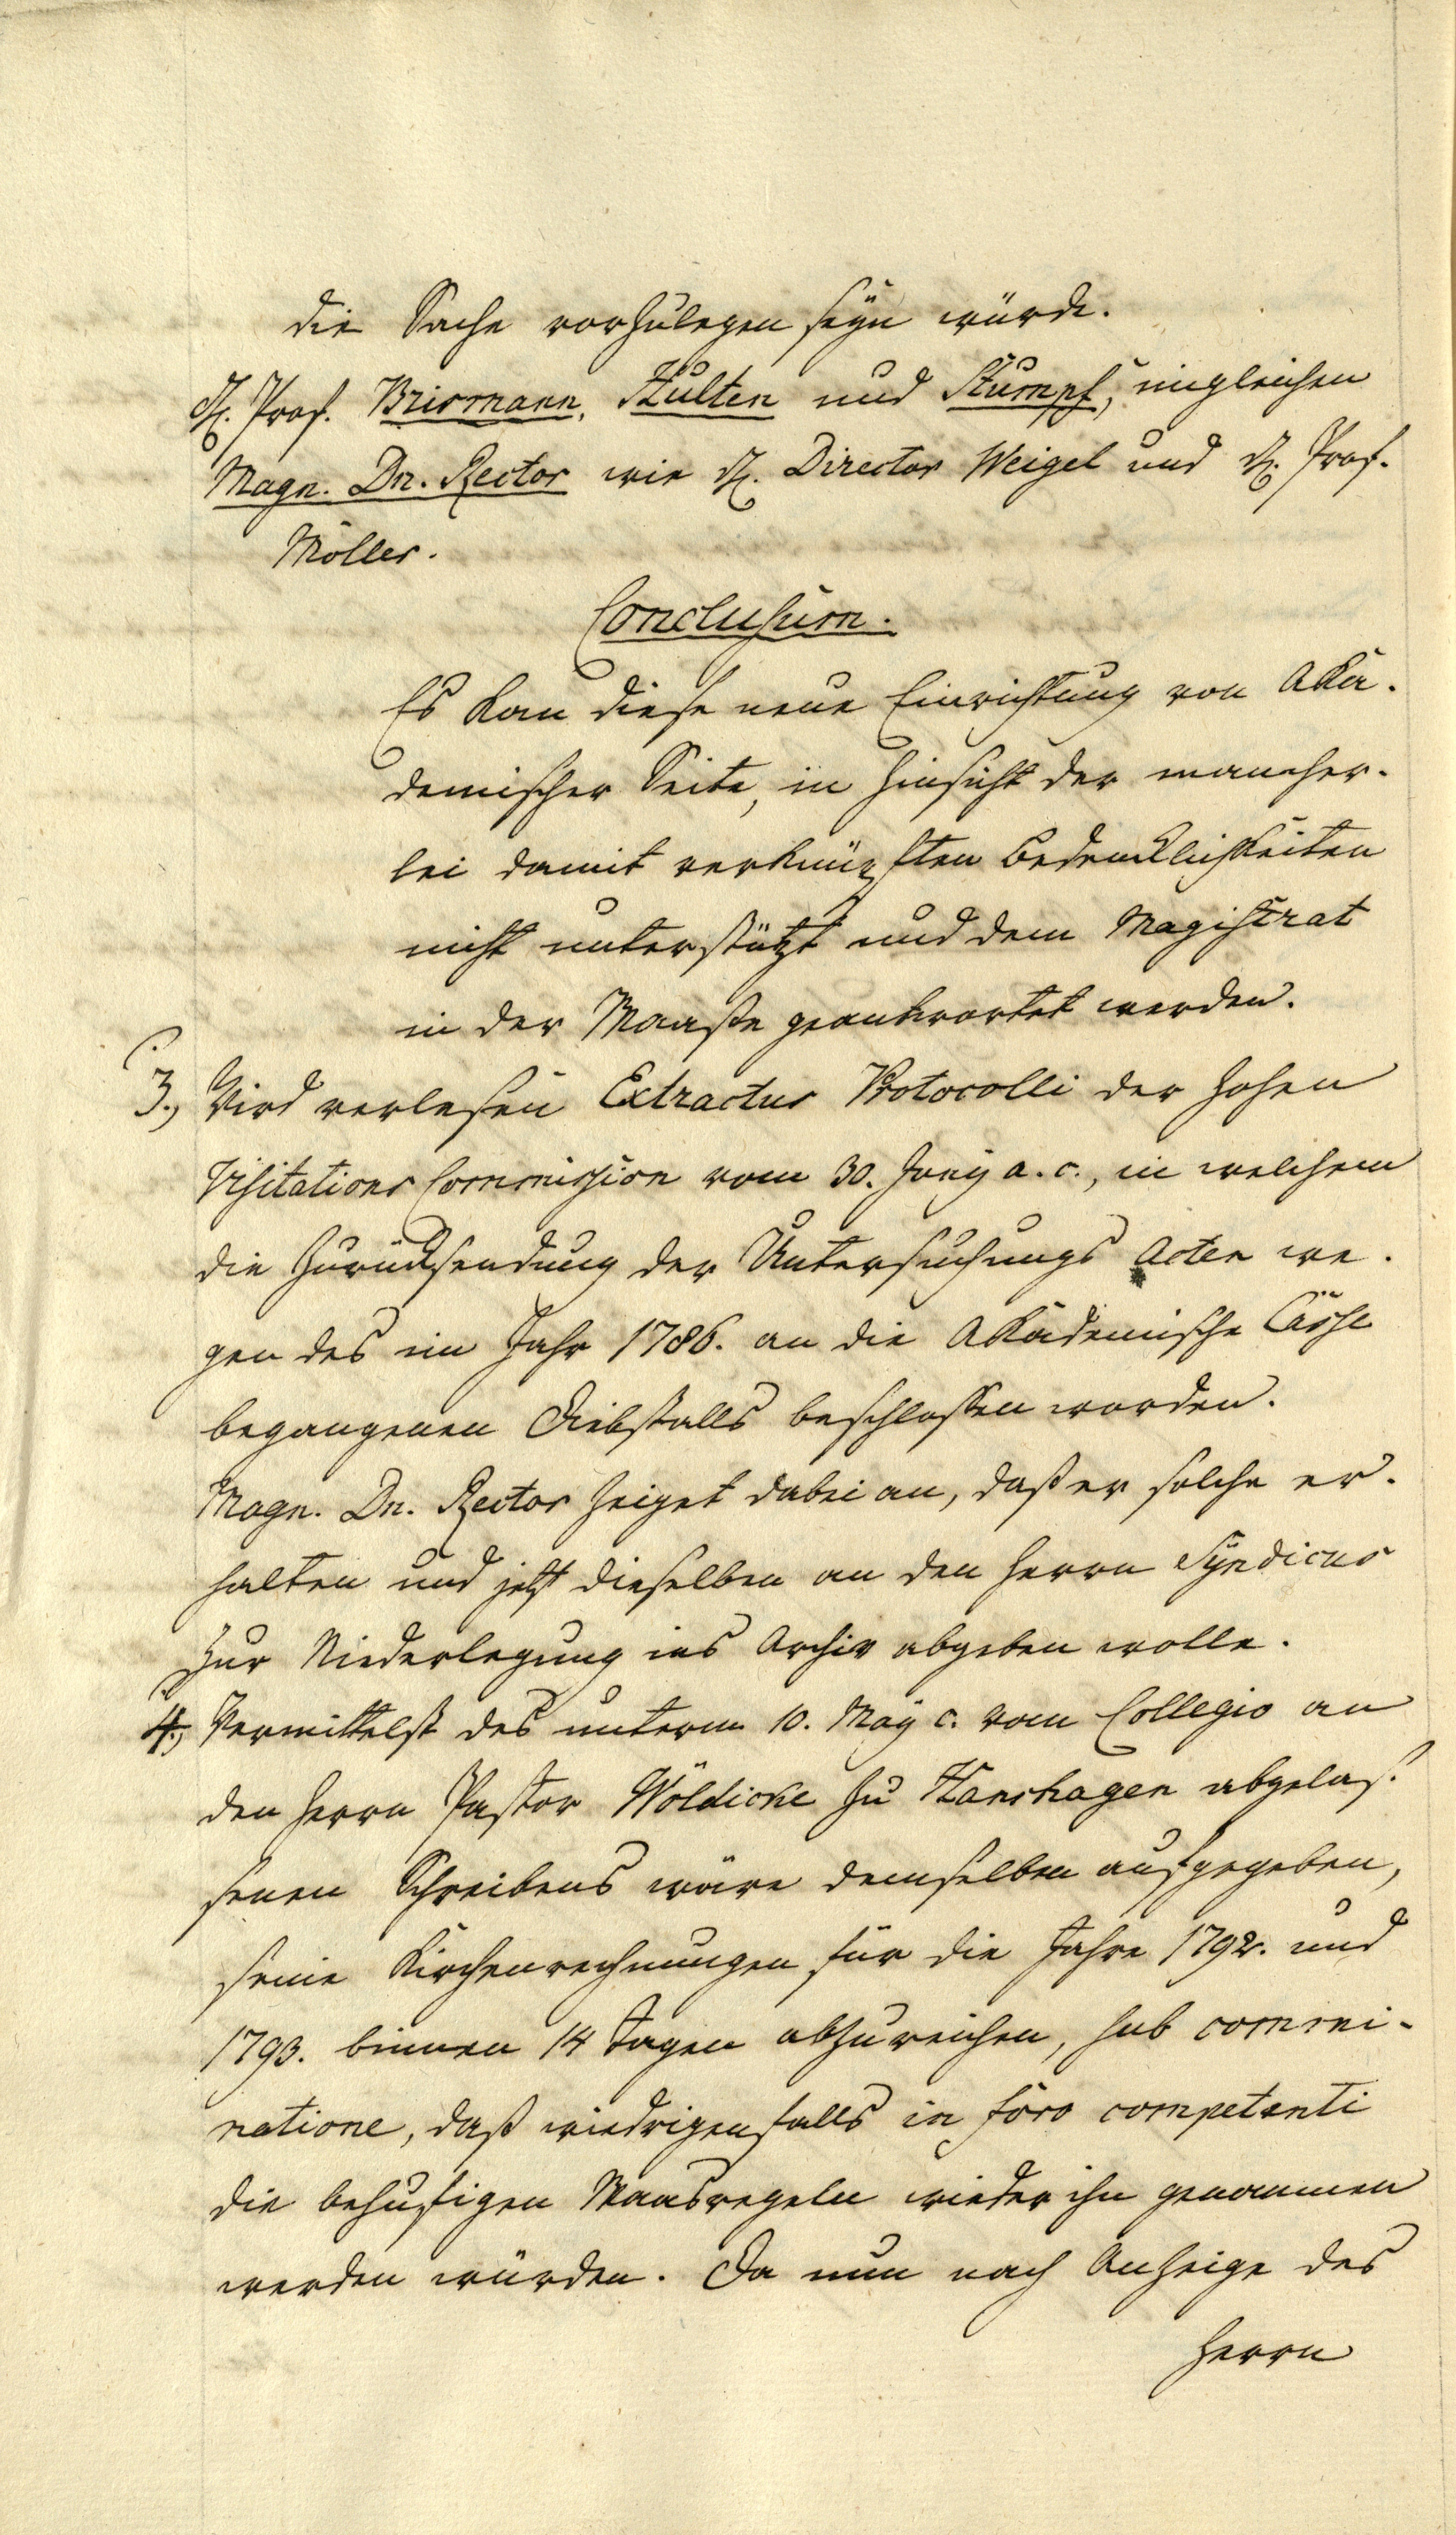die Sache vorzulegen seyn würde.
dh. Prof. Brismann, Hulten und Stumpf, imgleichen
Magn. Dn. Rector wie dh. Director Weigel und dh. Prof.
Möller.
Conclusum.
Es kan diese neue Einrichtung von Aka-
demischer Seite, in Hinsicht der mancher-
lei damit verknüpften Bedenklichkeiten
nicht unterstützt und dem Magistrat
in der Maaße geantwortet werden.
3., Wird verlesen Extractus Protocolli der hohen
Visitations Commission vom 30. Juny a. c., in welchem
die Zurücksendung der Untersuchungs Acten we-
gen des im Jahre 1786. an die Akademische Casse
begangenen Diebstalls beschlossen worden.
Magn. Dn. Rector zeiget dabei an, daß er solche er-
halten und jetzt dieselben an den herrn Syndicus
zur Niederlegung ins Archiv abgeben wolle.
4., Vermittelst des unterm 10. May c. vom Collegio an
den Herrn Pastor Wöldicke zu Hanshagen abgelas-
senen Schreibens wäre demselben aufgegeben,
seine Kirchenrechnungen für die Jahre 1792. und
1793. binnen 14 Tagen abzureichen, sub commi-
natione, daß wiedrigenfalls in foro competenti
die behufigen Maasregeln wieder ihn genommen
werden würden. Da nun nach Anzeige des
Herrn